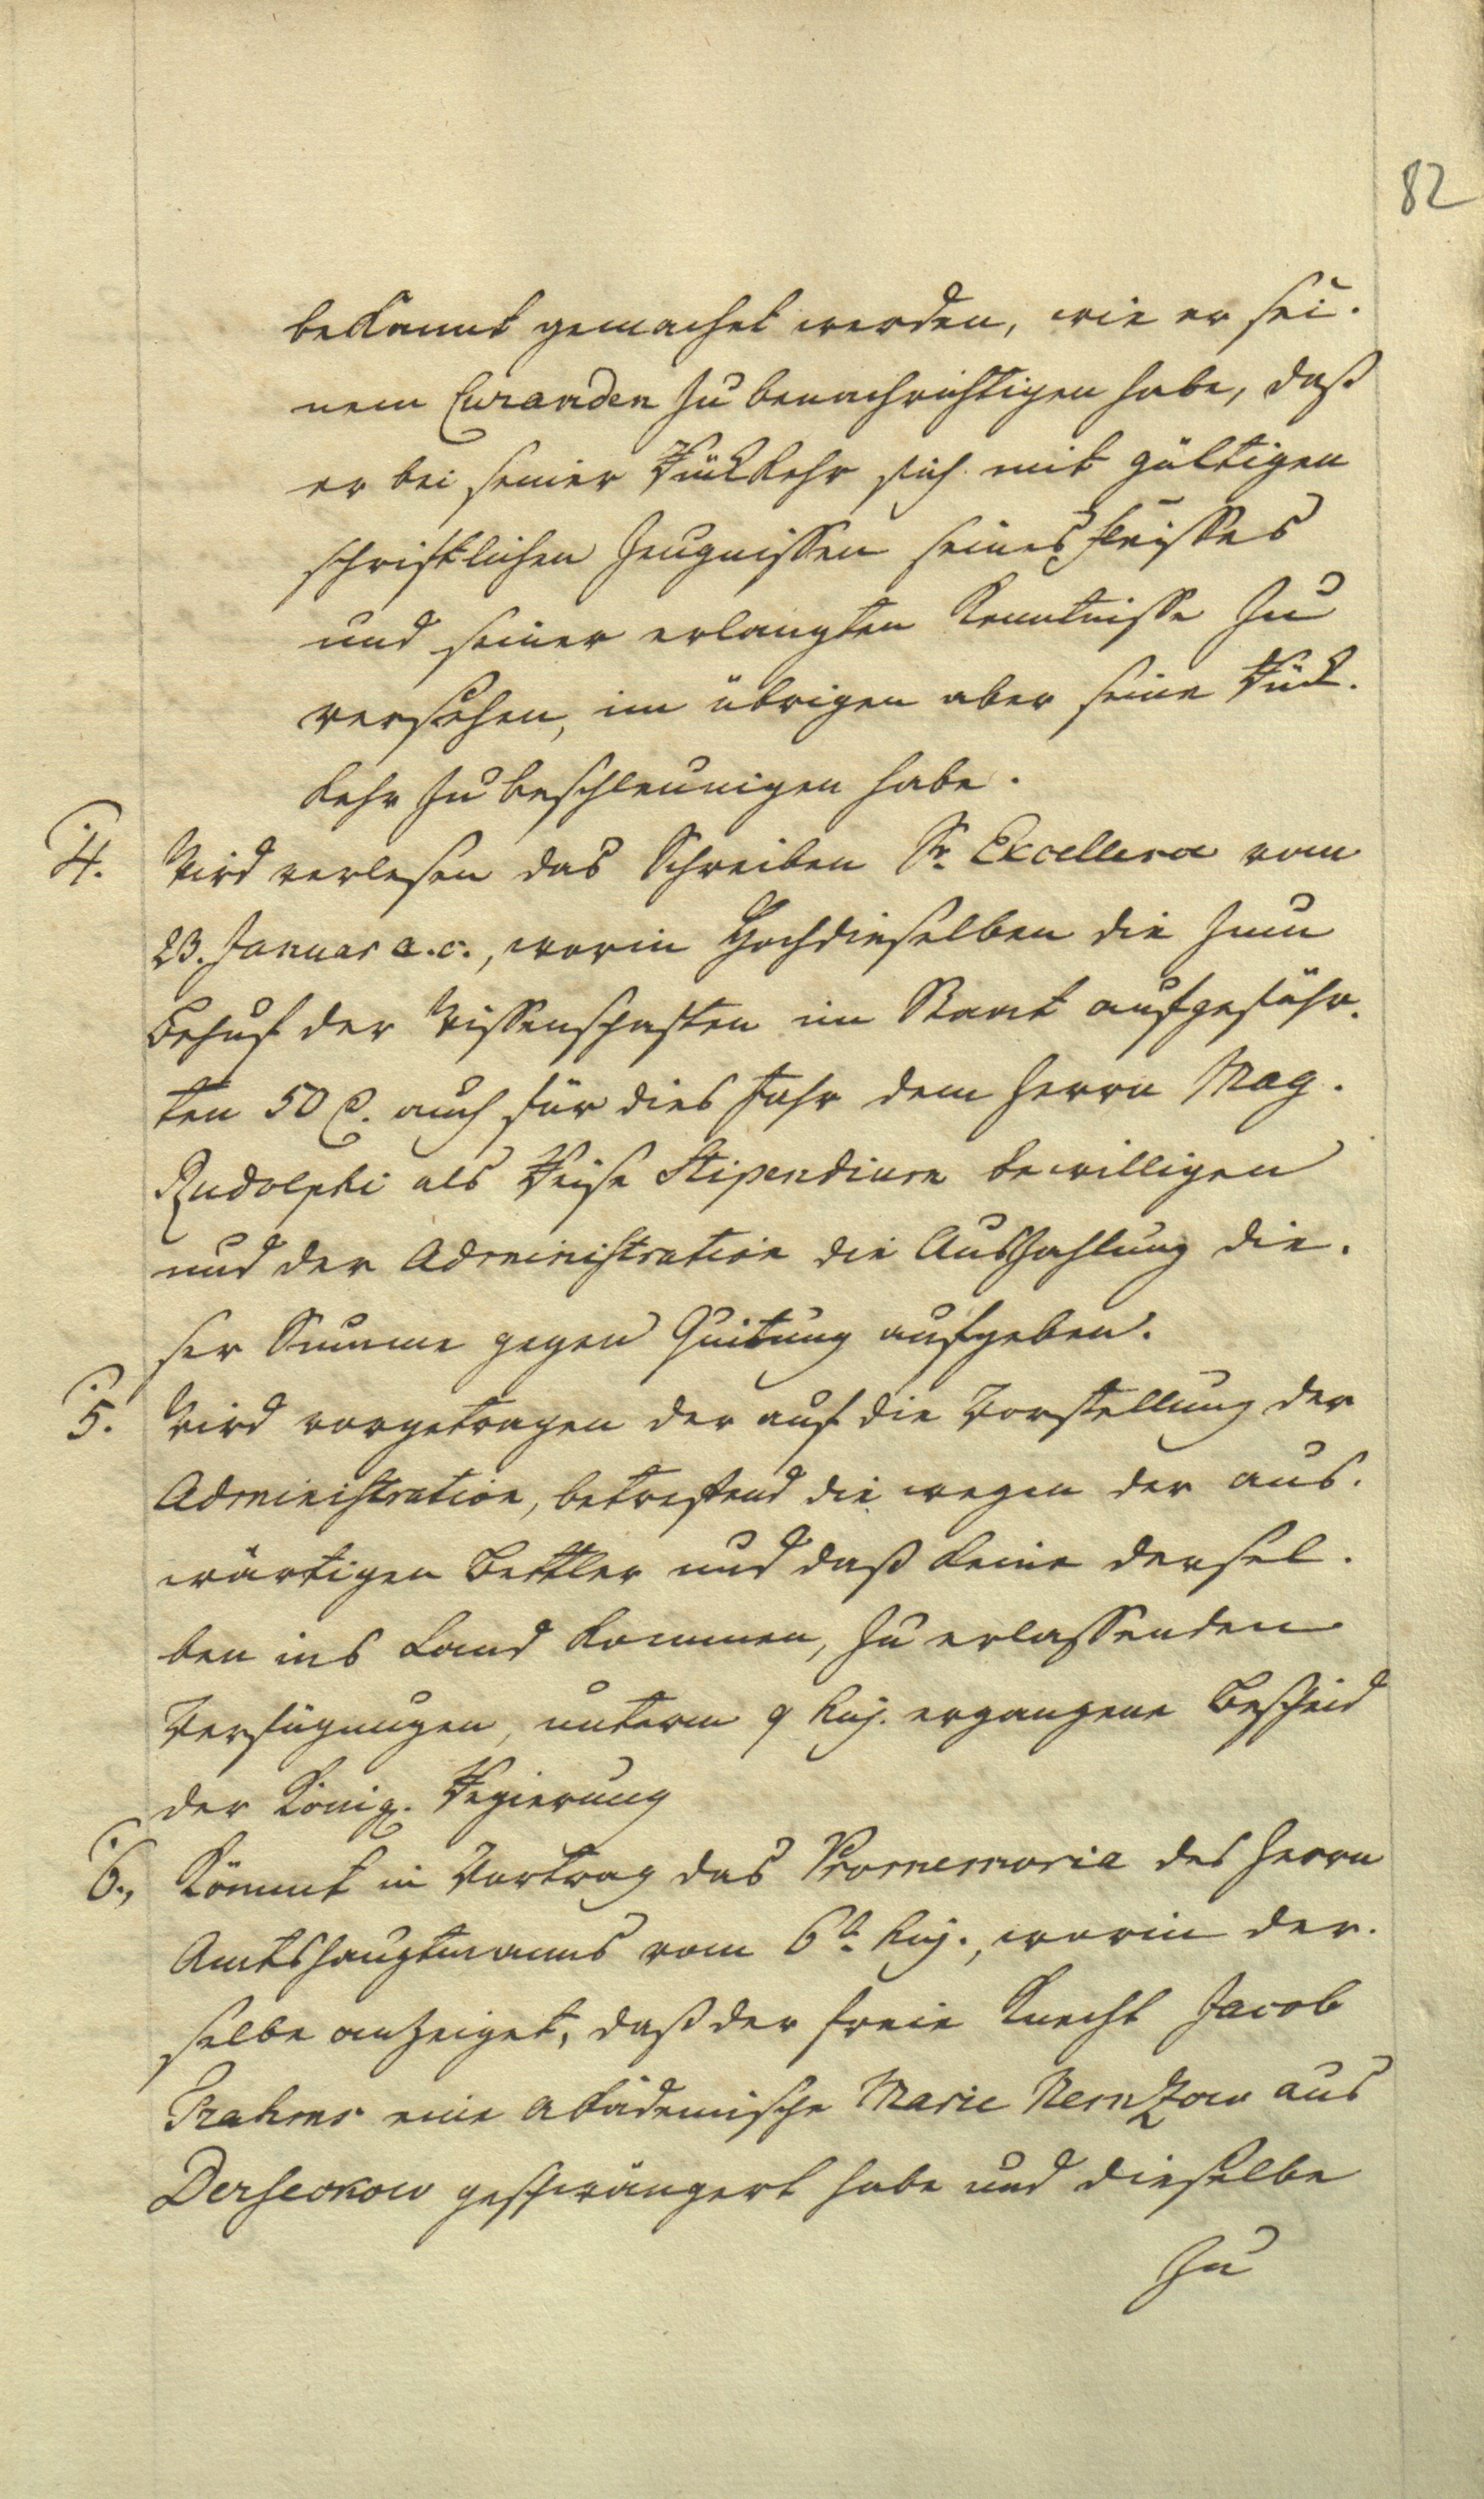bekannt gemachet werden, wie er sei¬
nem Curanden zu benachrichtigen habe, daß
schriftlichen Zeugnissen seines Fleisses
er bei seiner Rückkehr sich mit gültigen
und seiner erlangten Kenntnisse zu
versehen, im übrigen aber seine Rück¬
kehr zu beschleunigen habe.
4. Wird verlesen das Schreiben Sr Excellence vom
23. Januar a. c., worin Hochdieselben die zum
Behuf der Wissenschaften in Staat aufgeführ¬
ten 50 l. auch für dies Jahr dem Herrn Mag.
Rudolphi als Reise Stipendium bewilligen
und der Administration die Auszahlung die¬
ser Summe gegen Quitung aufgeben.
5. Wird vorgetragen der auf die Vorstellung der
Administration, betreffend die wegen der aus¬
wärtigen Bettler und daß keine dersel¬
ben ins Land kommen, zu erlassenden
Verfügungen, unterm 9 huj. ergangene Bescheid
der Königl. Regierung
6., Kommt in Vortrag das Promemoria des Herrn
Amtshauptmanns vom 6 te huj., worin der¬
selbe anzeiget, daß der freie Knecht Jacob
Trahms eine akademische Marie Nemzow aus
Derseckow geschwängert habe und dieselbe
zu